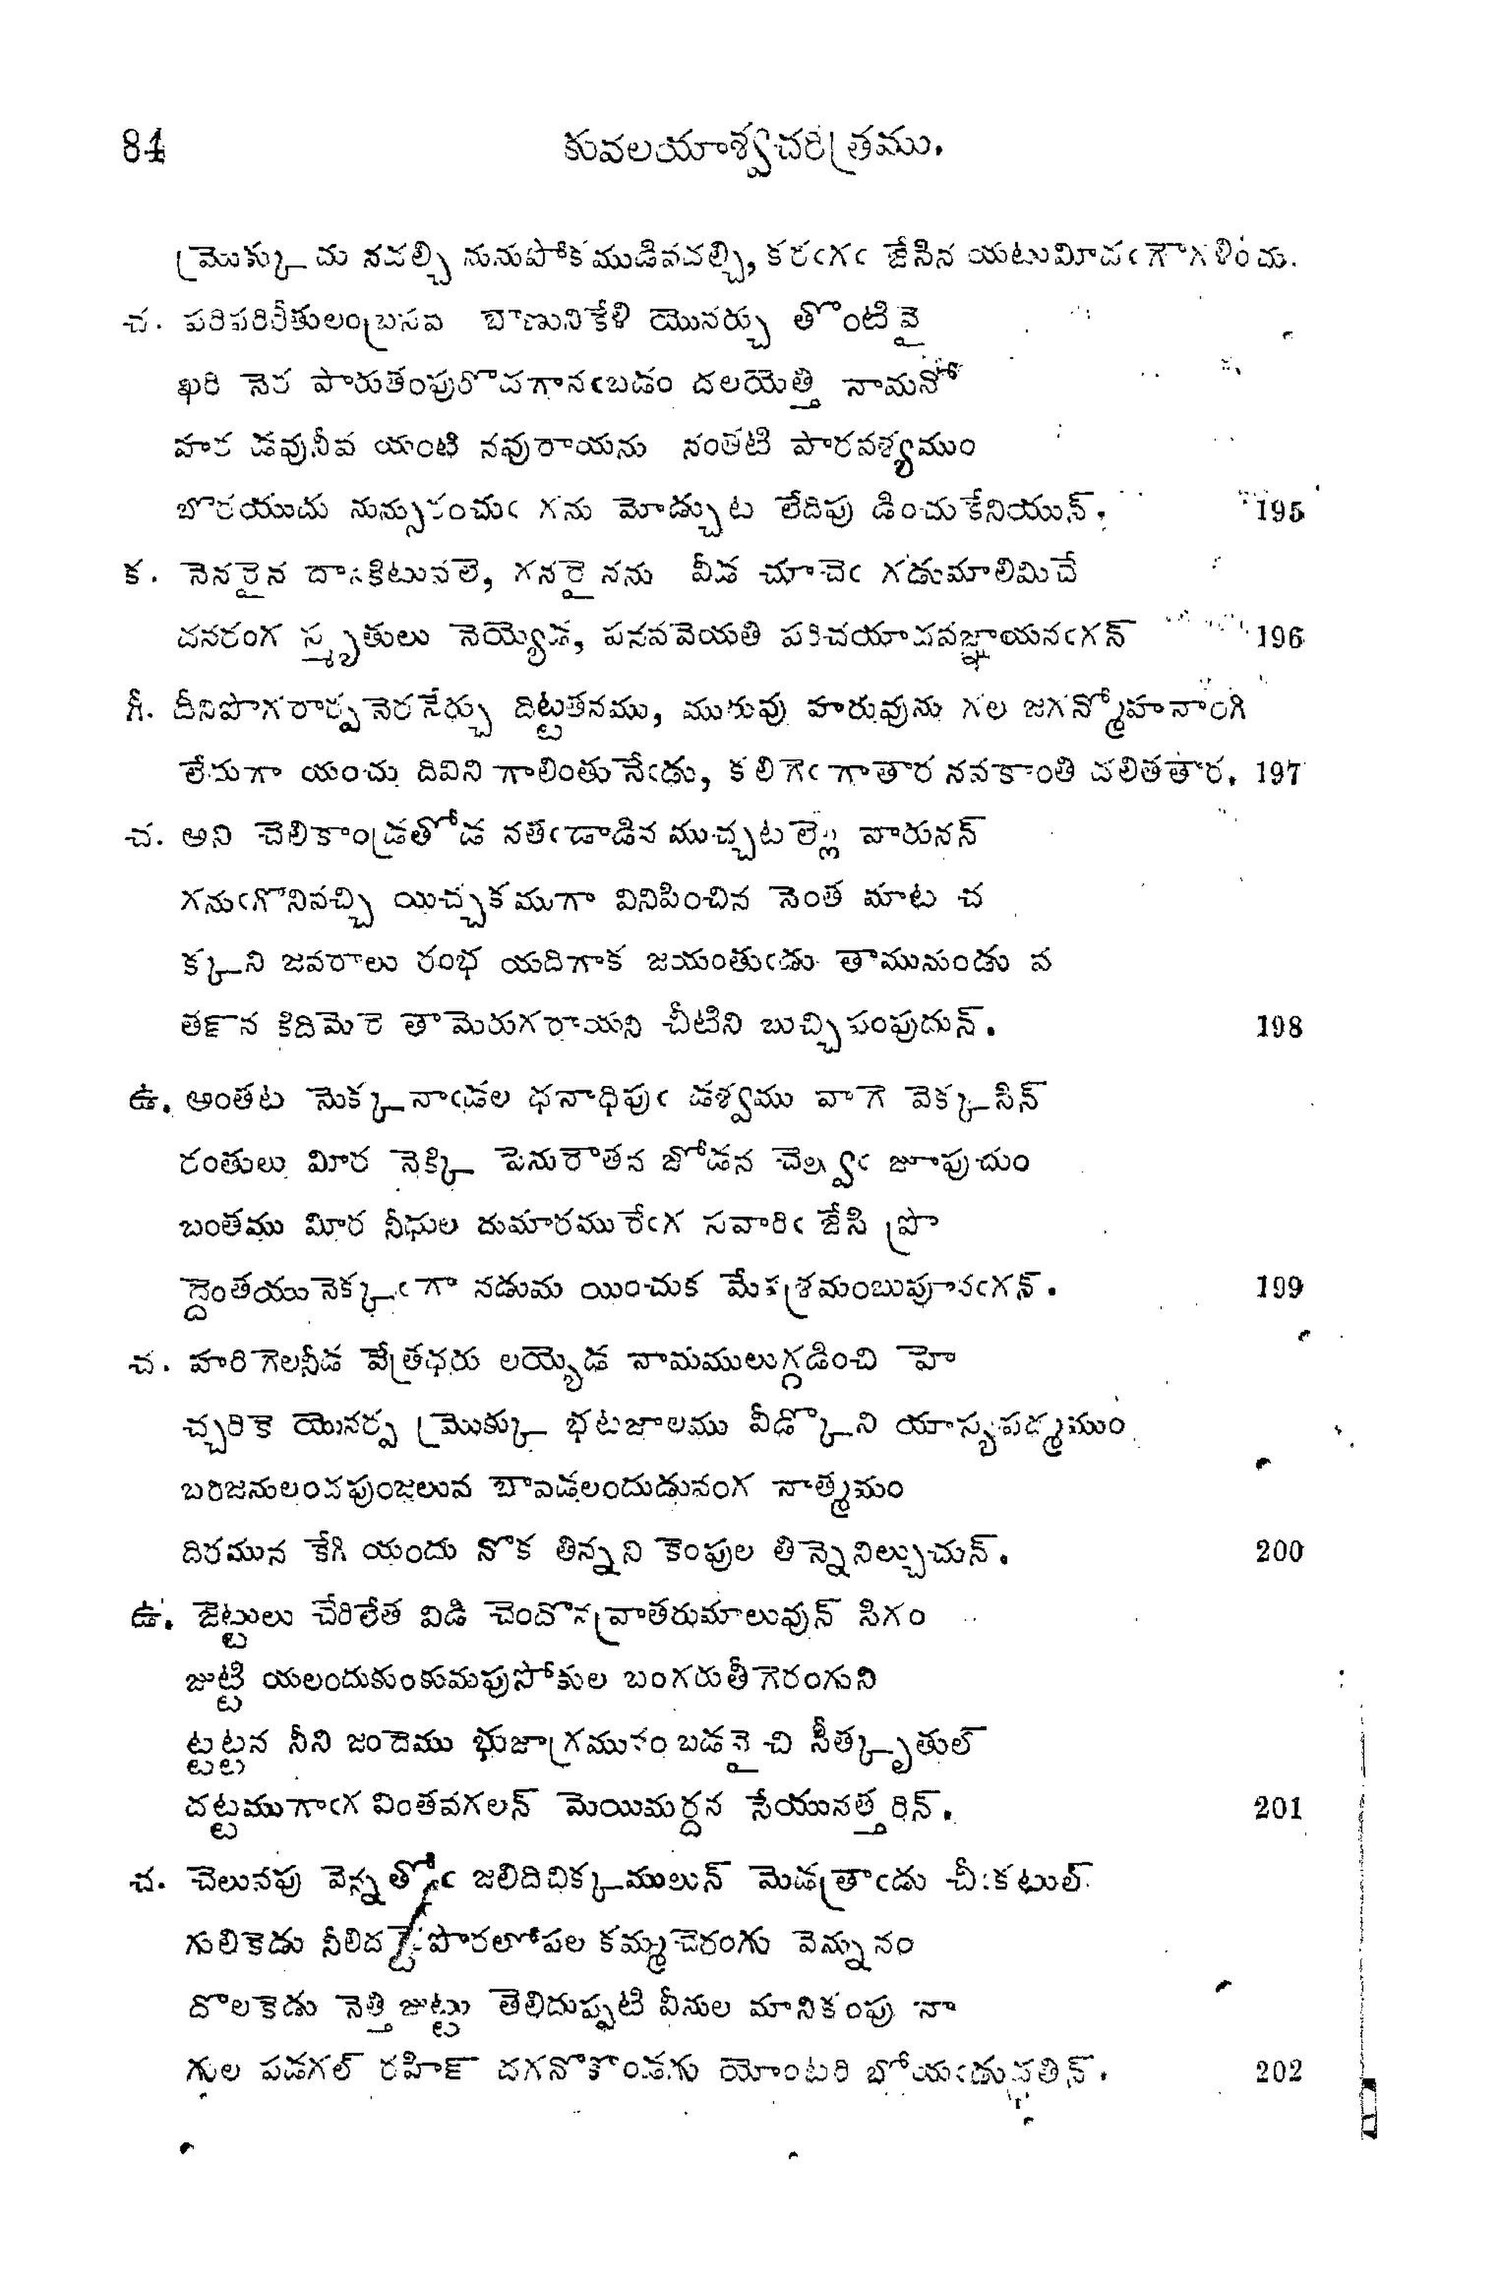మ్రొక్కుచు నదల్చి నునుపోకముడి వదల్చి, కరఁగఁ జేసిన యటుమీఁదఁ గౌగళించు.
చ. పరిపరిరీతులం బ్రసవబాణునికేళి యొనర్చు తొంటివై
ఖరి నెర పారుతంపురొద గానఁబడం దలయెత్తి నామనో
హరుఁడవు నీవ యంటి నవురా యను నంతటి పారవశ్యముం
బొరయుదు నుస్సురంచుఁ గనుమోడ్చుట లేదిపు డించుకేనియున్.
క. నెనరైన దాని కిటువలె, గనరైనను వీడ చూచెఁ గడుమాలిమిచే
దనరంగ స్మృతులు నెయ్యెడ, పనవవె యతిపరిచయావజ్ఞా యనఁగన్.
గీ. దీనిపొగ రార్ప నెరవేర్చు దిట్టతనము, మురువు హరువును గల జగన్మోహనాంగి
లేదుగా యంచు దివిని గాలింతు నేఁడు, కలిగెఁ గాతార నవకాంతి చలితతార.
చ. అని చెలికాండ్రతోడ నతఁ డాడిన ముచ్చట లెల్ల వారు నన్
గనుఁగొని వచ్చి యిచ్చకముగా వినిపించిన నెంతమాట చ
క్కని జవరాలు రంభ యదిగాక జయంతుఁడు తామునుండు వ
ర్తన కిది మేరె తా మెరుగరా యని చీటిని బుచ్చి పంపుదున్.
ఉ. అంతట నొక్కనాఁ డల ధనాధిపుఁ డశ్వము వాగె వెక్కసిన్
రంతులు మీర నెక్కి పెనురౌతన జోడన చెల్వఁ జూపుచుం
బంతము మీర వీథుల దుమారము రేఁగ సవారిఁ జేసి ప్రొ
ద్దెంతయు నెక్కఁగా నడుమ యించుక మేపశ్రమంబు పూనఁగన్.
చ. హరి గెలనీడ వేత్రధరు లయ్యెడ నామము లుగ్గడించి హె
చ్చరికె యొనర్ప మ్రొక్కు భటజాలము వీడ్కొని యాస్యపద్మముం
బరిజనులంద పుంజలువబావడలం దుడువంగ నాత్మమం
దిరమున కేగి యందు నొకతిన్ననికెంపులతిన్నెనిల్చుచున్.
ఉ. జెట్టులు చేరి లేత విడి చెందొవవ్రాతరుమాలువున్ సిగం
జుట్టి యలందుకుంకుమపుసోకుల బంగరుతీగెరంగు ని
ట్టట్టన నీని జందెము భుజాగ్రమునం బడనై చి సీత్కృతుల్
దట్టము గాఁగ వింతవగలన్ మెయిమర్దన సేయునత్తరిన్.
చ. చెలువపు వెన్నతోఁ జలిది చిక్కములున్ మెడతాఁడు చీఁకటుల్
గులికెడు నీలిదట్టెపొరలోపల కమ్మచెరంగు వెన్నునం
దొలకెడు నెత్తిజుట్టు తెలిదుప్పటి వీనుల మానికంపు నా
గుల పడగల్ రహిన్ దగనొకొండగు యోంటరి బోయఁ డుద్ధతిన్.